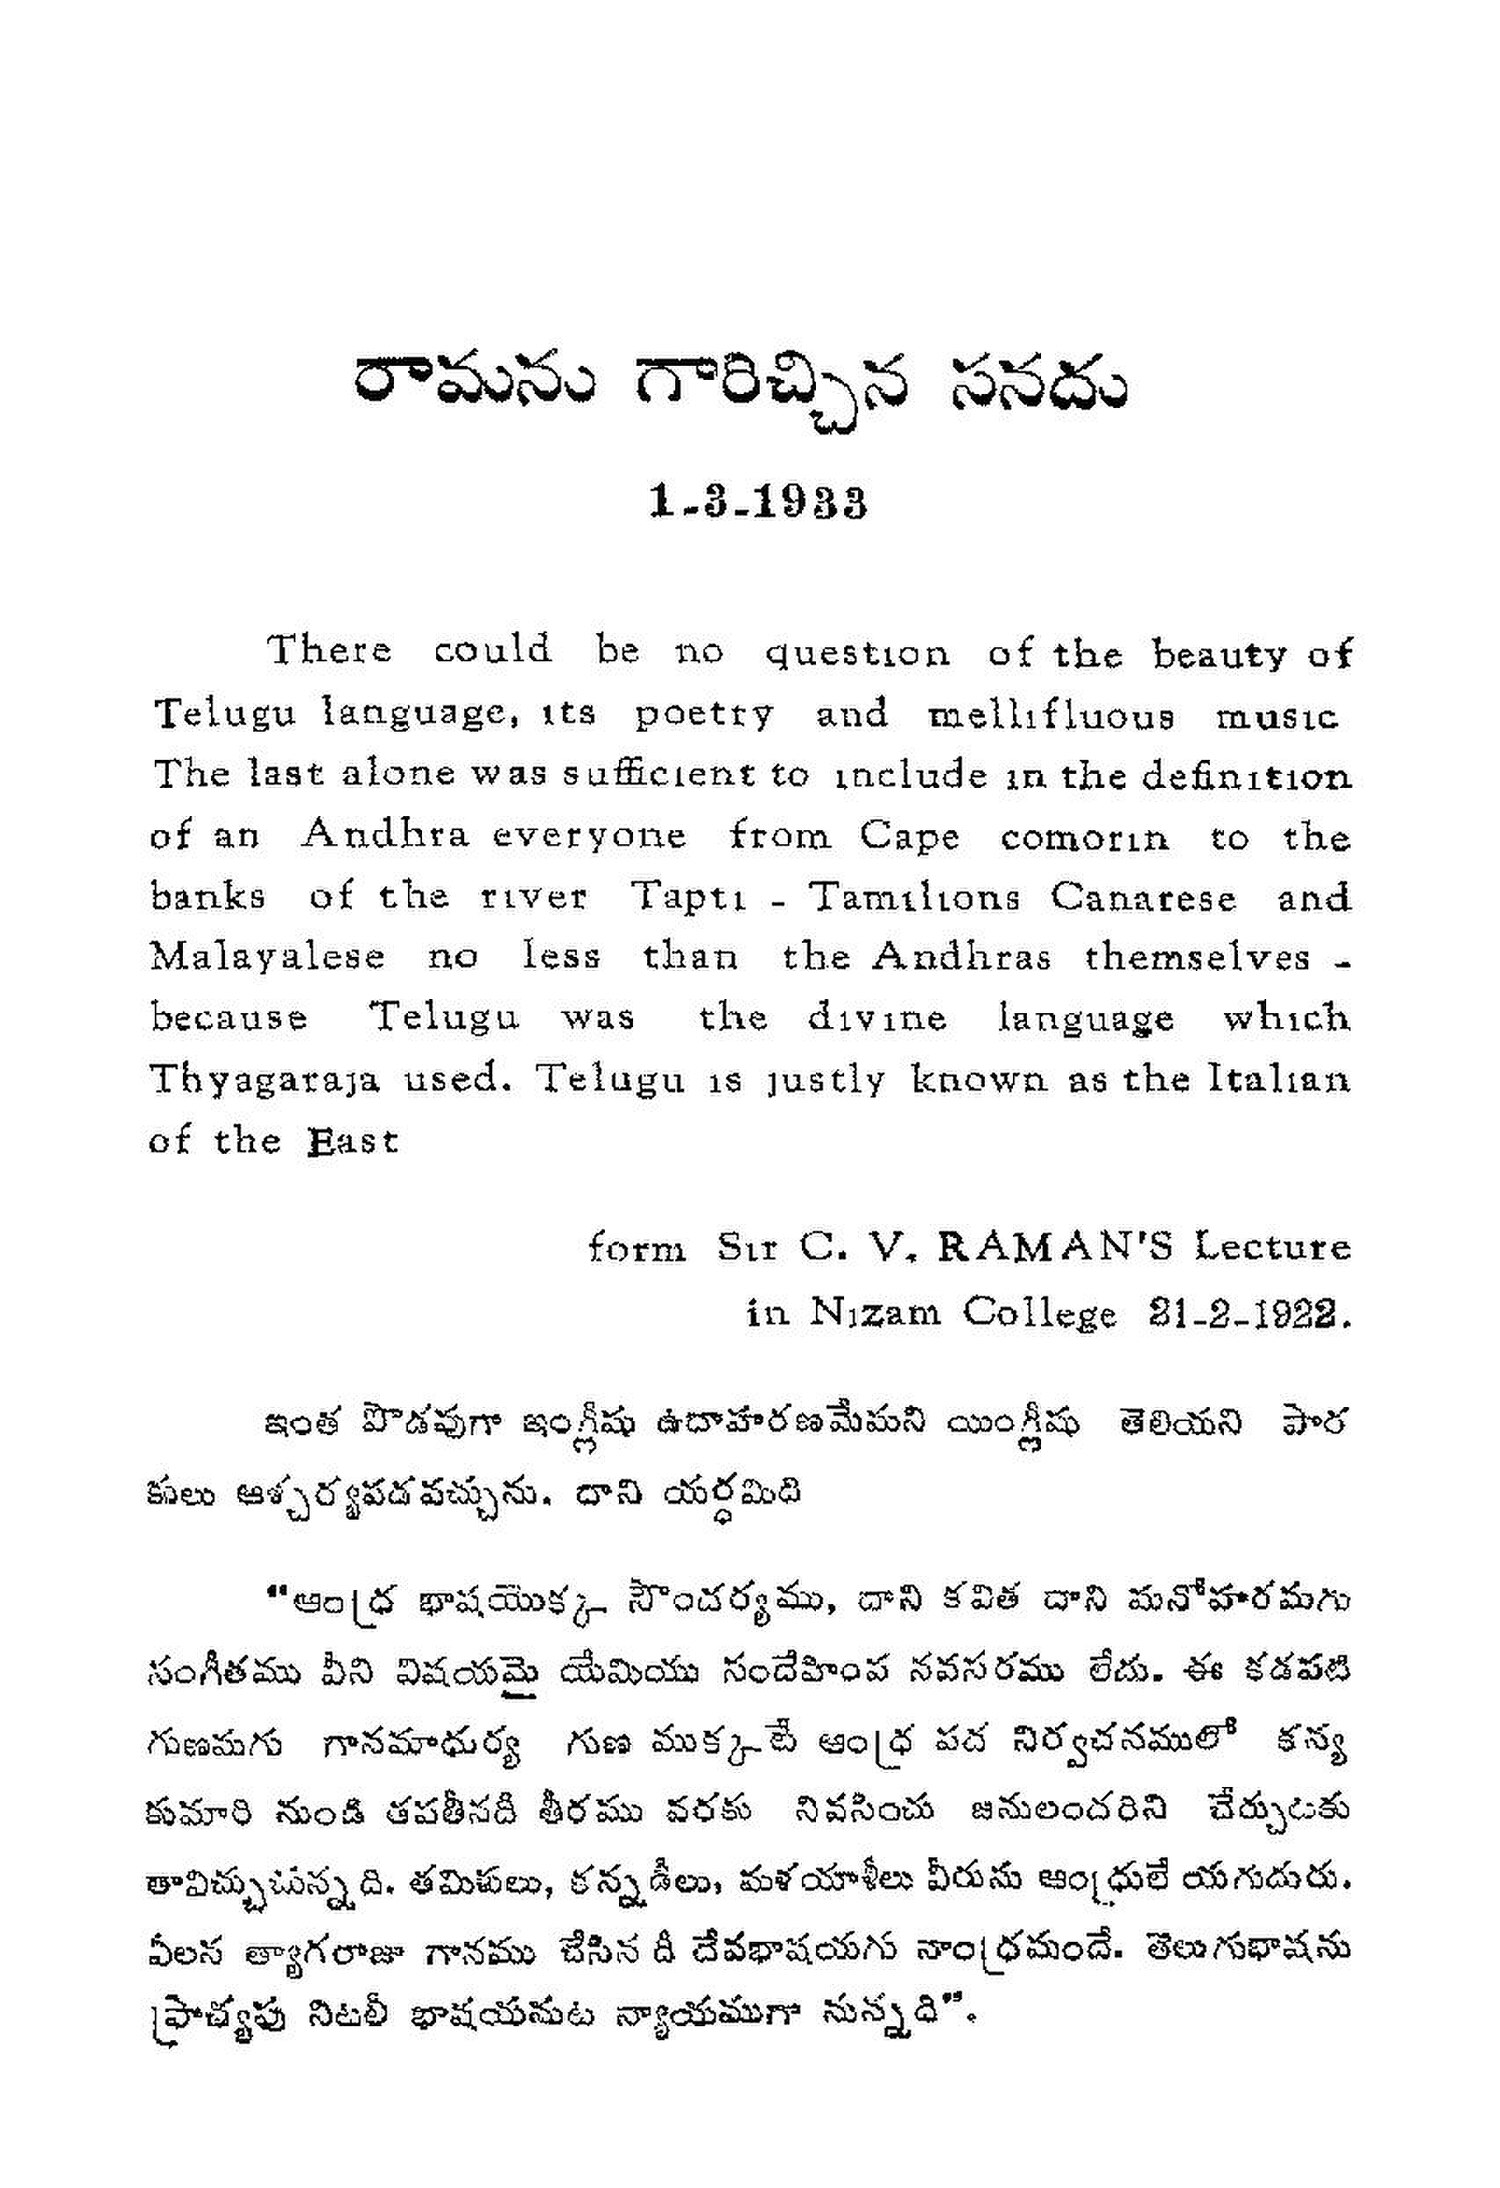రామను గారిచ్చిన సనదు

1-3-1933

There could be no question of the beauty of Telugu language, its poetry and mellifluous music
The last alone was sufficient to include in the definition of an Andhra everyone from Cape comorin to the banks of the river Taptı - Tamilions Canarese and Malayalese no less than the Andhras themselves - because Telugu was the divine language which Thyagaraja used. Telugu is justly known as the Italian of the East

ఇంత పొడవుగా ఇంగ్లీషు ఉదాహరణమేమని యింగ్లీషు తెలియని పాఠకులు ఆశ్చర్యపడవచ్చును. దాని యర్ధమిది

"ఆంధ్ర భాష యొక్క సౌందర్యము, దాని కవిత దాని మనోహరమగు సంగీతము వీని విషయమై యేమియు సందేహింప నవసరము లేదు. ఈ కడపటి గుణమగు గానమాధుర్య గుణ ముక్కటే ఆంధ్ర పద నిర్వచనములో కన్య
కుమారి నుండి తపతీనదీ తీరము వరకు నివసించు జనులందరిని చేర్చుటకు తావిచ్చుచున్నది. తమిళులు, కన్నడీలు, మళయాళీలు వీరును ఆంధ్రులే యగుదురు. ఏలన త్యాగరాజు గానము చేసిన దీ దేవభాషయగు నాంధ్రమందే. తెలుగుభాషను ప్రాచ్యపు నిటలీ భాషయనుట న్యాయముగా నున్నది".